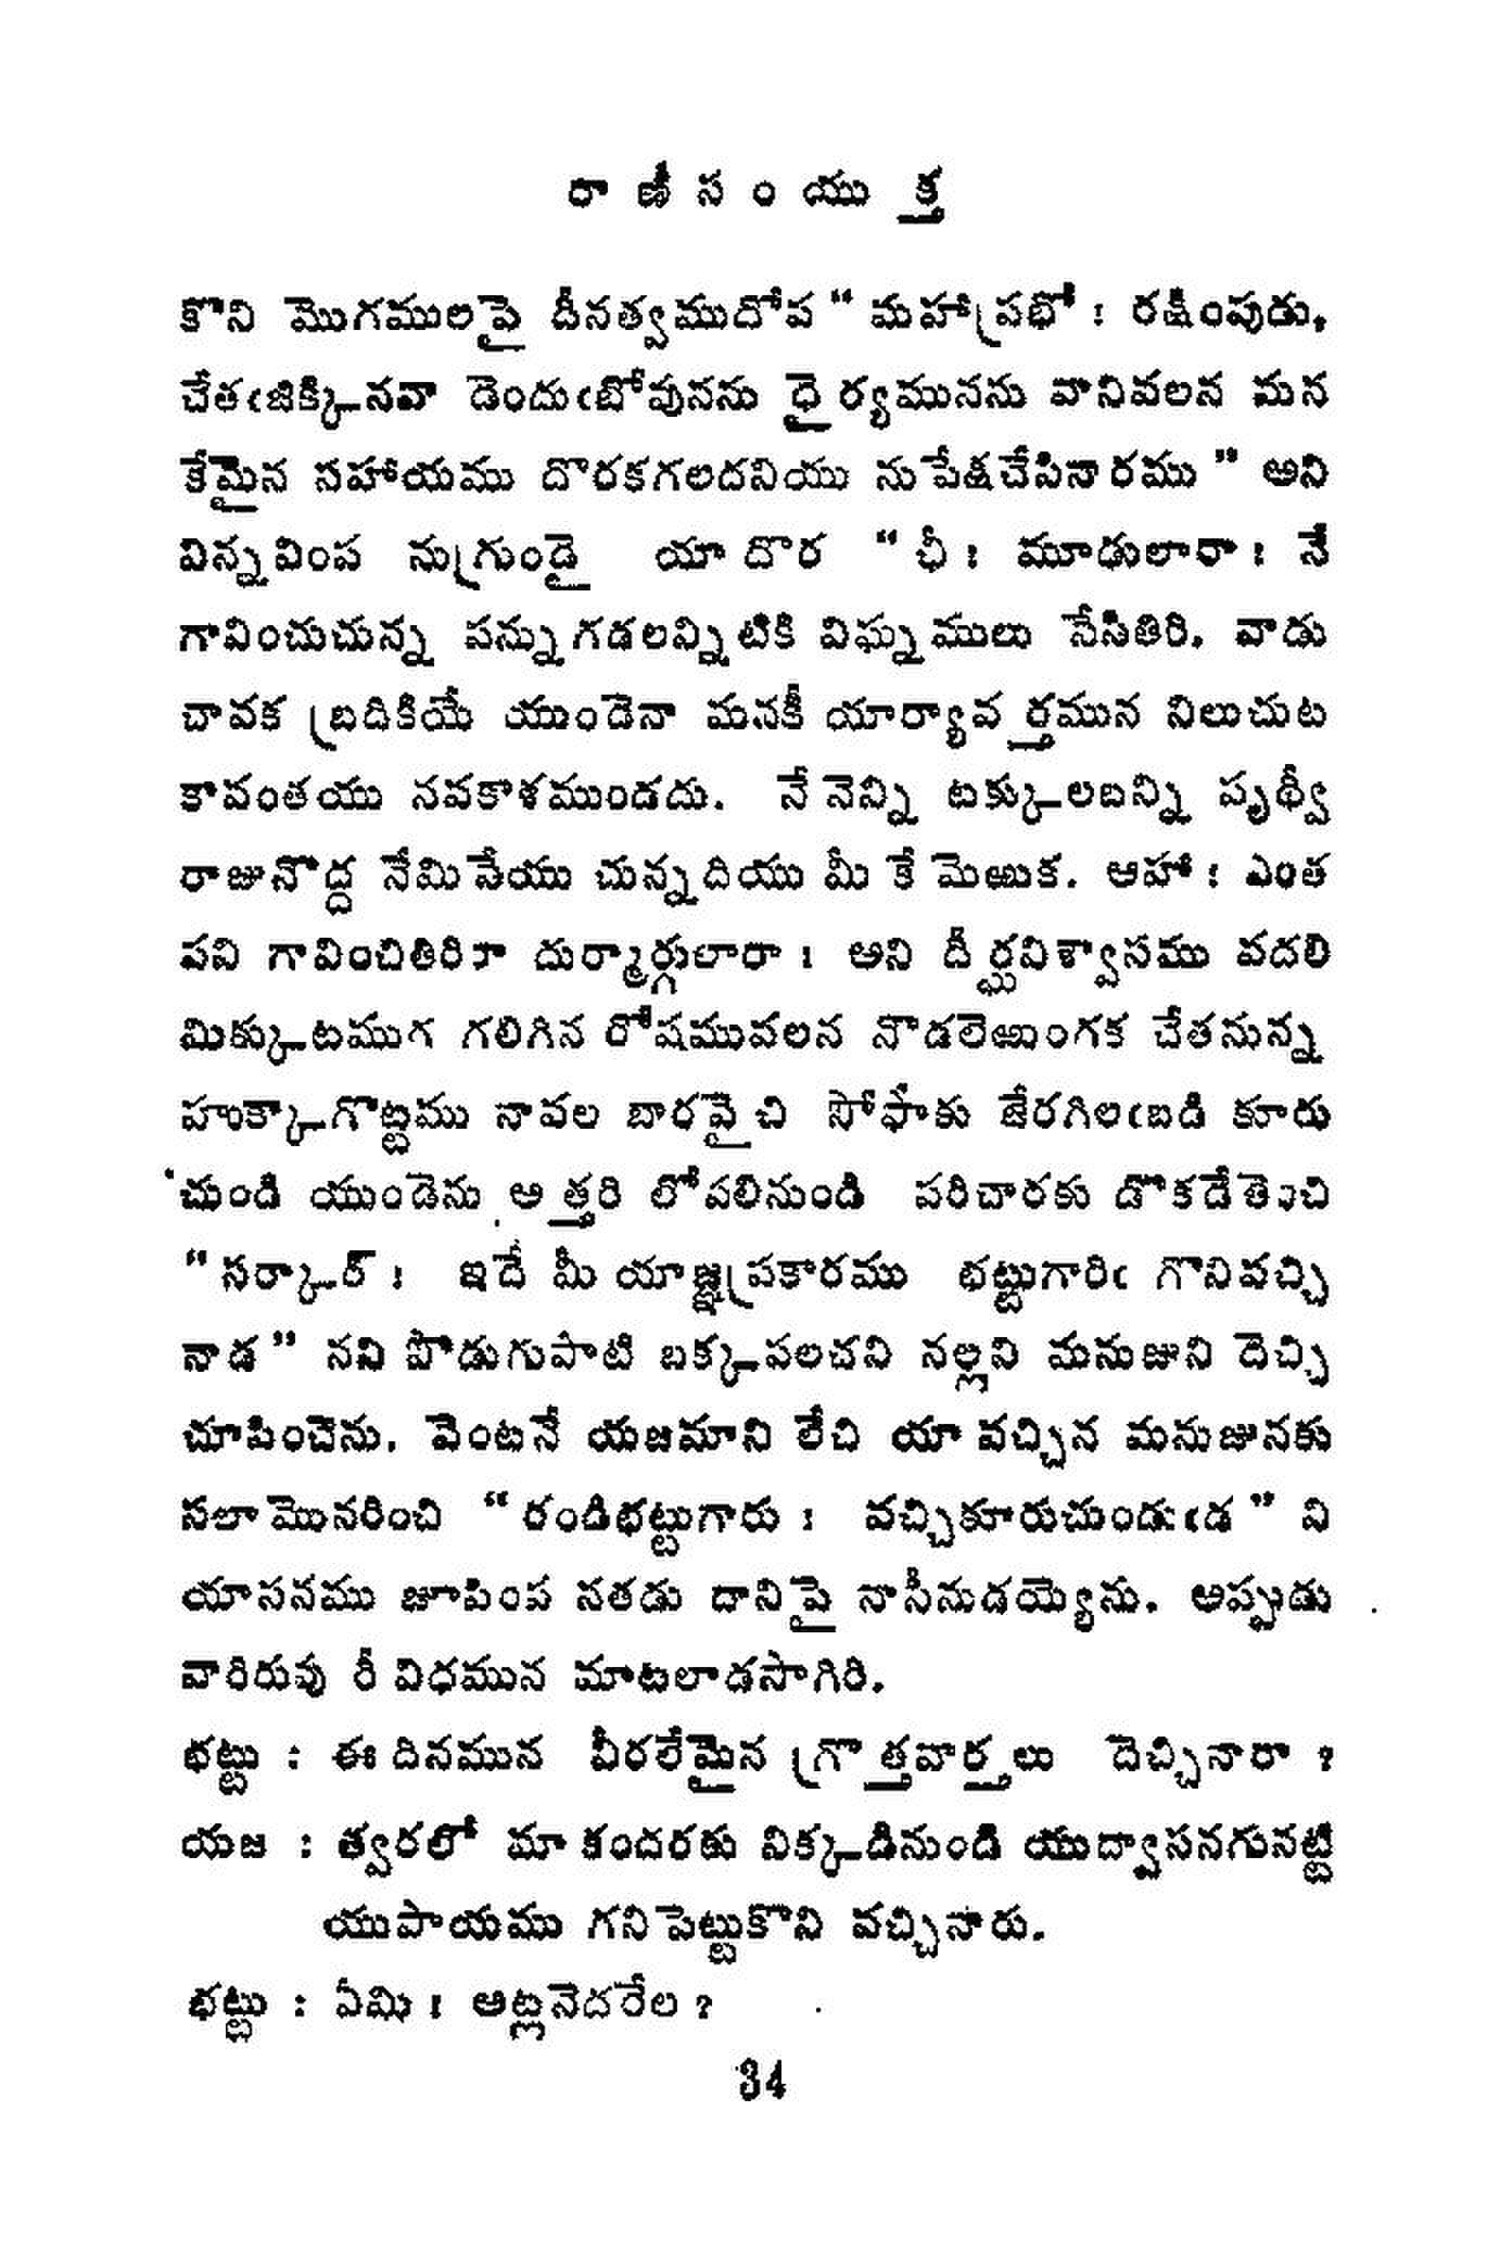కొని మొగములపై దీనత్వముదోప " మహాప్రభో ! రక్షింపుడు, చేతఁజిక్కినవా డెందుఁబోవునను ధైర్యమునను వానివలన మనకేమైన సహాయము దొరకగలదనియు నుపేక్షచేసినారము " అని విన్నవింప నుగ్రుండై యా దొర "ఛీ ! మూడులారా ! నే గావించుచున్న పన్నుగడలన్నిటికి విఘ్నములు సేసితిరి. వాడు చావక బ్రదికియే యుండెనా మనకీ యార్యావర్తమున నిలుచుట కావంతయు నవకాశముండదు. నే నెన్ని టక్కులబన్ని పృథ్వీ రాజునొద్ద నేమిసేయు చున్నదియు మీ కే మెఱుక. ఆహా ! ఎంత పని గావించితిరిరా దుర్మార్గులారా ! అని దీర్ఘవిశ్వాసము వదలి మిక్కుటముగ గలిగిన రోషమువలన నొడలెఱుంగక చేతనున్న హుక్కాగొట్టము నావల బారవైచి సోఫాకు జేరగిలబడి కూరుచుండి యుండెను. అత్తరి లోపలినుండి పరిచారకు డొకడేతెంచి "సర్కార్ ! ఇదే మీ యాజ్ఞప్రకారము భట్టుగారిఁ గొనివచ్చి నాడ" నని పొడుగుపాటి బక్కపలచని నల్లని మనుజుని దెచ్చి చూపించెను. వెంటనే యజమాని లేచి యావచ్చిన మనుజునకు సలామొనరించి "రండిభట్టుగారు ! వచ్చికూరుచుండుఁడ"ని యాసనము జూపింప నతడు దానిపై నాసీనుడయ్యేను. అప్పుడు వారిరువు రీ విధమున మాటలాడసాగిరి. 

భట్టు : ఈ దినమున వీరలేమైన గ్రొత్తవార్తలు దెచ్చినారా? 

యజ : త్వరలో మా కందరకు నిక్కడినుండి యుద్వాసనగునట్టి యుపాయము గనిపెట్టుకొని వచ్చినారు. 

భట్టు : ఏమి ! అట్లనెదరేల ? .